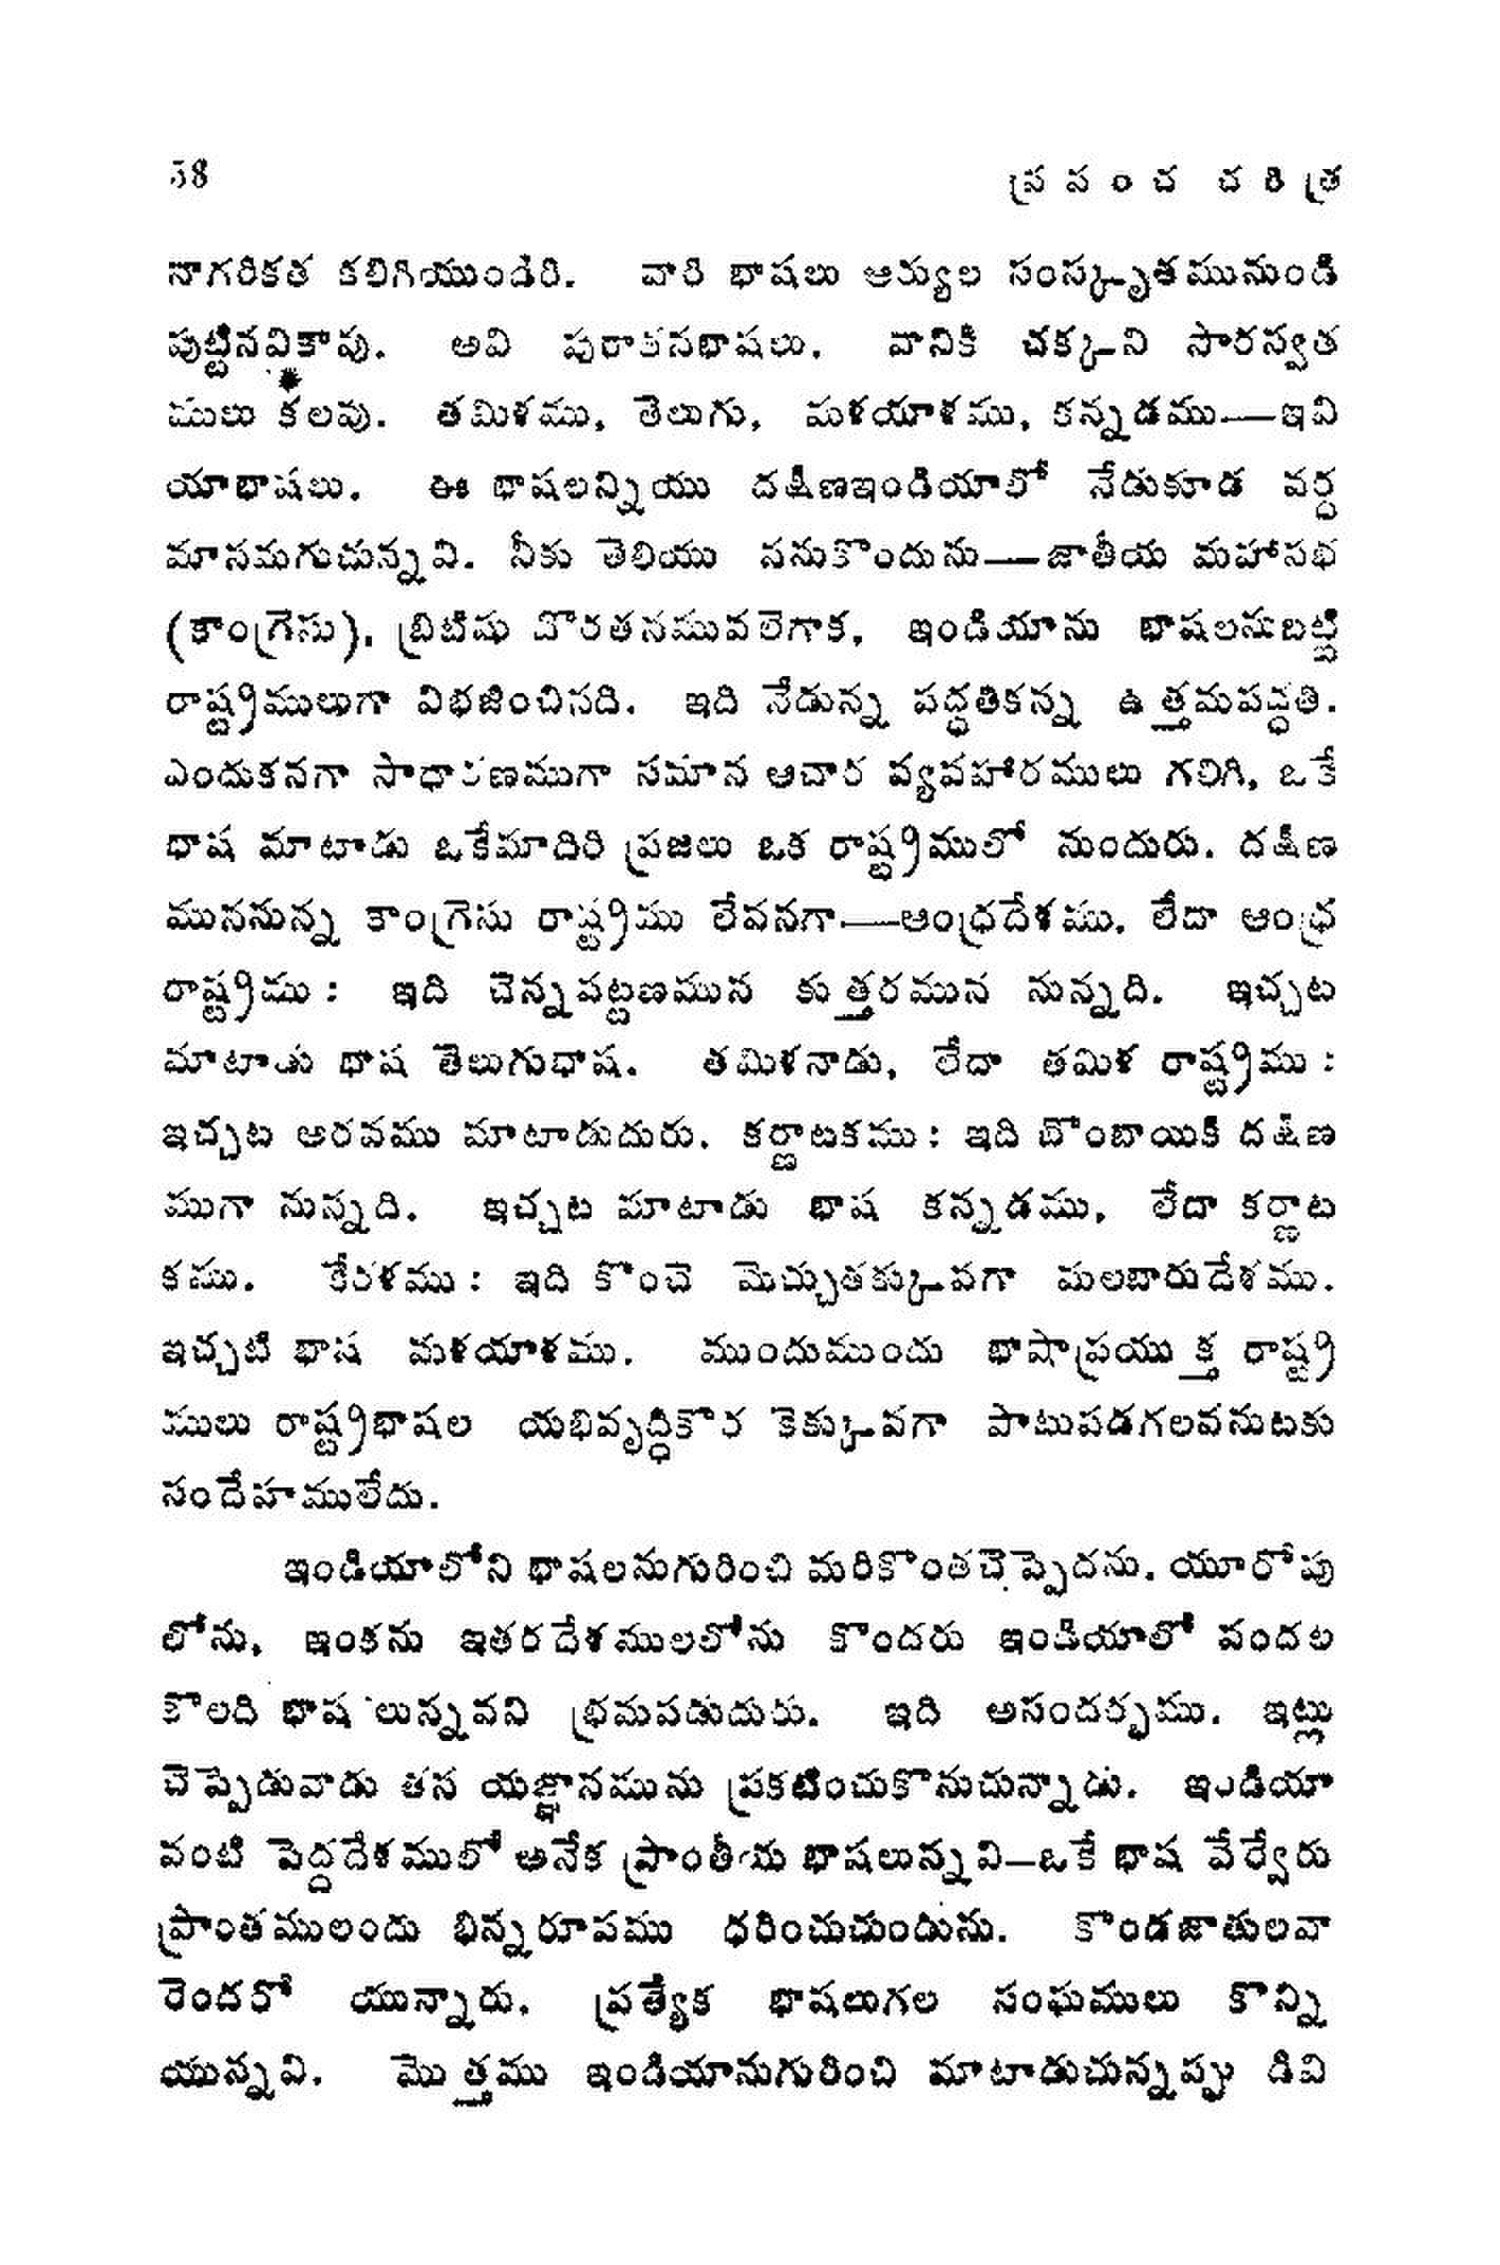నాగరికత కలిగియుండిరి. వారి భాషలు ఆర్యుల సంస్కృతమునుండి పుట్టినవికావు. అవి పురాతనభాషలు. వానికి చక్కని సారస్వతములు కలవు. తమిళము, తెలుగు, మళయాళము, కన్నడము - ఇవి యాభాషలు. ఈ భాషలన్నియు దక్షిణఇండియాలో నేడుకూడ వర్దమానమగుచున్నవి. నీకు తెలియు ననుకొందును - జాతీయ మహాసభ (కాంగ్రెసు), బ్రిటిషు దొరతనమువలెగాక, ఇండియాను భాషలనుబట్టి రాష్ట్రములుగా విభజించినది. ఇది నేడున్న పద్దతికన్న ఉత్తమపద్ధతి. ఎందుకనగా సాధారణముగా సమాన ఆచార వ్యవహారములు గలిగి, ఒకే భాష మాటాడు ఒకేమాదిరి ప్రజలు ఒక రాష్ట్రములో నుందురు. దక్షిణముననున్న కాంగ్రెసు రాష్ట్రము లేవనగా - ఆంధ్రదేశము, లేదా ఆంధ్ర రాష్ట్రము : ఇది చెన్నపట్టణమున కుత్తరమున నున్నది. ఇచ్చట మాటాలు భాష తెలుగుభాష, తమిళనాడు, లేదా తమిళరాష్ట్రము : ఇచ్చట ఆరవము మాటాడుదురు. కర్ణాటకము : ఇది బొంబాయికి దక్షిణముగా నున్నది. ఇచ్చట మాటాడు భాష కన్నడము, లేదా కర్ణాటకము. కేళము : ఇది కొంచే మెచ్చుతక్కువగా మలబారుదేశము. ఇచ్చటి భాష మళయాళము. ముందుముందు భాషా ప్రయుక్త రాష్ట్రములు రాష్ట్రభాషల యభివృద్ధికొర కెక్కువగా పాటుపడగలవనుటకు సందేహములేదు.

ఇండియాలోని భాషలనుగురించి మరికొంతచెప్పెదను, యూరోపులోను, ఇంకను ఇతర దేశములలోను కొందరు ఇండియాలో వందలకొలది భాష లున్నవని భ్రమపడుదురు. ఇది అసందర్భము. ఇట్లు చెప్పెడువాడు తన యజ్ఞానమును ప్రకటించుకొనుచున్నాడు. ఇండియా వంటి పెద్దదేశములో అనేక ప్రాంతీయ భాషలున్నవి-ఒకే భాష వేర్వేరు ప్రాంతములందు భిన్నరూపము ధరించుచుండును. కొండజాతులవా రెందరో యున్నారు. ప్రత్యేక భాషలుగల సంఘములు కొన్ని యున్నవి. మొత్తము ఇండియానుగురించి మాటాడుచున్నప్పు డివి